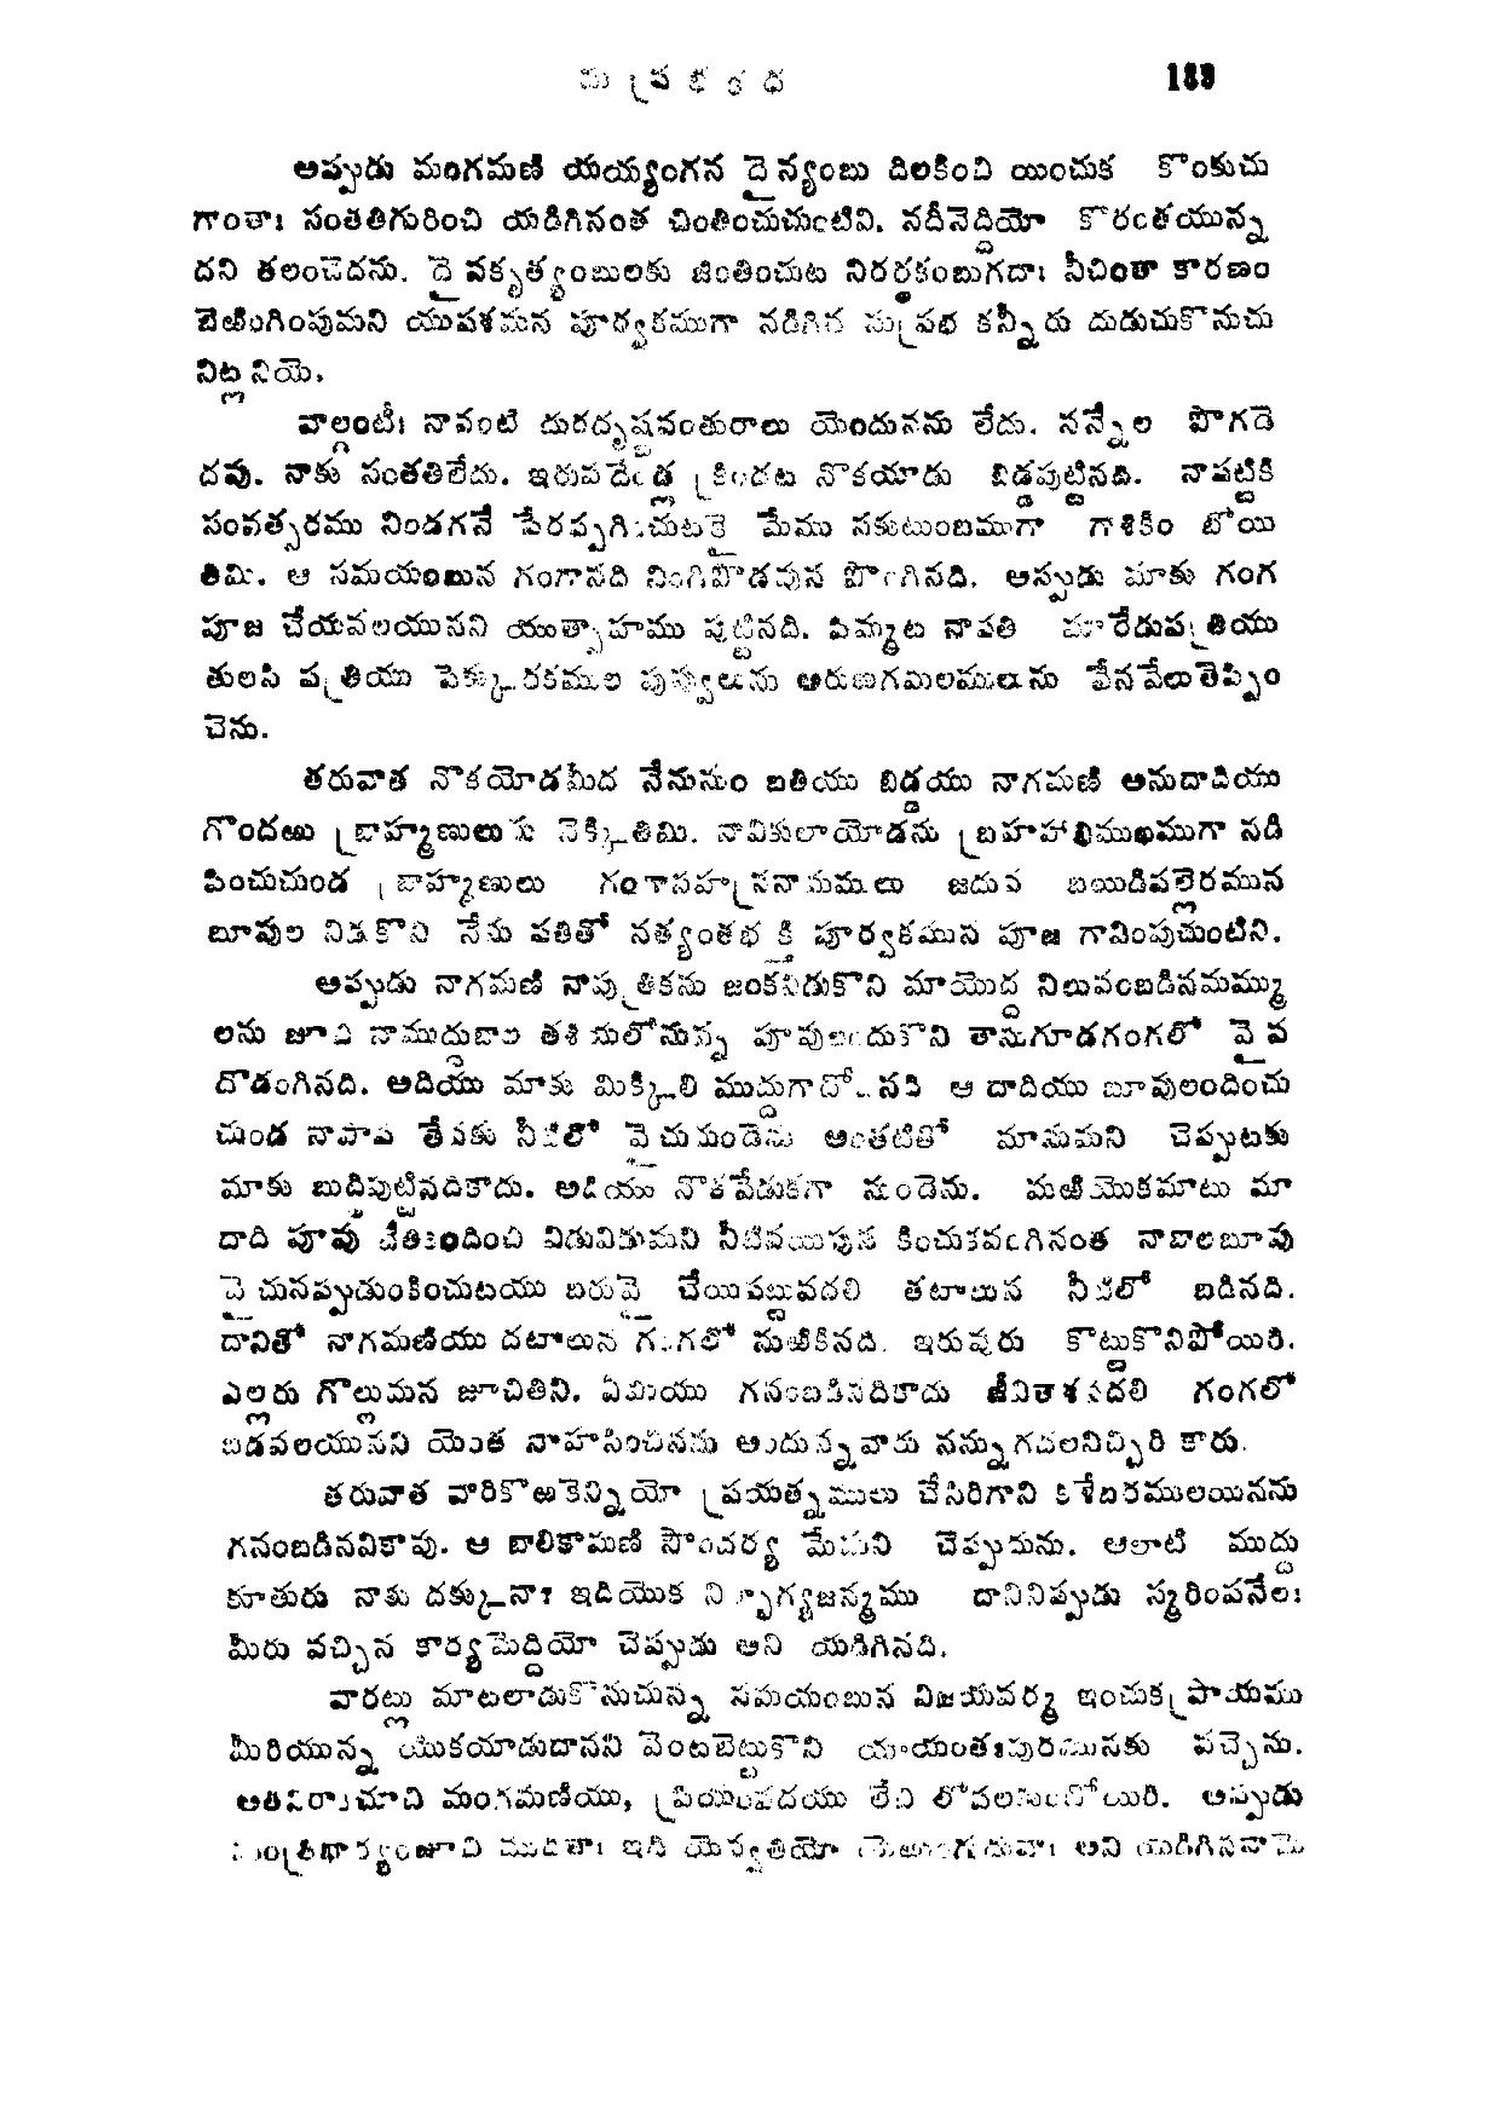అప్పుడు మంగమణి యయ్యంగన దైన్యంబు దిలకించి యించుక కొంకుచు గాంతా! సంతతిగురించి యడిగినంత చింతించుచుంటివి. నదీనెద్దియో కొరంతయున్నదని తలంచెదను. దైవకృత్యంబులకు జింతించుట నిరర్థకంబుగదా! నీచింతాకారణం బెఱింగింపుమని యుపశమనపూర్వకముగా నడిగిన సుప్రభ కన్నీరు దుడుచుకొనుచు నిట్లనియె.

వాల్గంటీ! నావంటి దురదృష్టవంతురాలు యెందునను లేదు. నన్నేల పొగడెదవు. నాకు సంతతిలేదు. ఇరువదేండ్ల క్రిందట నొకయాడుబిడ్డ పుట్టినది. నాపట్టికి సంవత్సరము నిండగనే పేరప్పగించుటకై మేము సకుటుంబముగా గాశికిం బోయితిమి. ఆ సమయంబున గంగానది నింగిపొడవున పొంగినది. అప్పుడు మాకు గంగపూజ చేయవలయునని యుత్సాహము పుట్టినది. పిమ్మట నాపతి మారేడుపత్రియు తులసిపత్రియు పెక్కురకముల పువ్వులును అరుణగమలములను వేనవేలు తెప్పించెను.

తరువాత నొకయోడమీద నేనునుం బతియు బిడ్డయు నాగమణి అనుదాదియు గొందఱు బ్రాహ్మణులు నెక్కితిమి. నావికు లాయోడను బ్రవాహాభిముఖముగా నడిపించుచుండ బ్రాహ్మణులు గంగాసహస్రనామములు జదువ బయిడిపల్లెరమున బూవుల నిడుకొని నేను పతితో నత్యంతభక్తిపూర్వమున పూజ గావింపుచుంటిని.

అప్పుడు నాగమణి నాపుత్రికను జంకనిడుకొని మాయొద్ద నిలువంబడిన మమ్ములను జూచి నాముద్దుబాల తశయలోనున్న పూవు లందుకొని తానుగూడ గంగలో వైవ దొడంగినది. అదియు మాకు మిక్కిలి ముద్దుగాదోచినది. ఆ దాదియు బూవులందించు చుండ నాపాప తేవకు నీటిలో వైచుచుండెను. అంతటితో మానుమని చెప్పుటకు మాకు బుద్దిపుట్టినదికాదు. అదియు నొకవేడుకగా నుండెను. మఱియొకమాటు మా దాది పూవు చేతికందించి విడువిడుమని నీటివయిపున కించుక వంగినంత నాబాల బూవు వైచునప్పు డుంకించుటయు బరువై చేయిపట్టు వదలి తటాలున నీటిలో బడినది. దానితో నాగమణియు దటాలున గంగలో నుఱికినది. ఇరువురు కొట్టుకొనిపోయిరి. ఎల్లరు గొల్లుమన జూచితిమి. ఏమియు గనంబడినదికాదు. జీవితాశ వదలి గంగలో బడవలయునని యెంత సాహసించినను అందున్నవారు నన్ను గదలనిచ్చిరి కారు.

తరువాత వారికొఱ కెన్నియో ప్రయత్నములు చేసిరిగాని కళేబరములయినను గనంబడినవికావు. ఆ బాలికామణి సౌందర్య మేమని చెప్పుదును. ఆలాటి ముద్దుకూతురు నాకు దక్కునా? ఇదియొక నిర్భాగ్యజన్మము దానినిప్పుడు స్మరింపనేల? మీరు వచ్చిన కార్యమె ద్దియో చెప్పుడు అని యడిగినది.

వారట్లు మాటలాడుకొనుచున్న సమయంబున విజయవర్మ ఇంచుక ప్రాయము మీరియున్న యొకయాడుదానని వెంటబెట్టుకొని యాయంతఃపురమునకు వచ్చెను. అతనిరాక చూచి మంగమణియు, ప్రియంవదయు లేచి లోపలకుంబోయిరి. అప్పుడు మంత్రి భార్యం జూచి ముదితా! ఇది యెవ్వతియో యెఱుంగుదువా! అని యడిగిన నామె